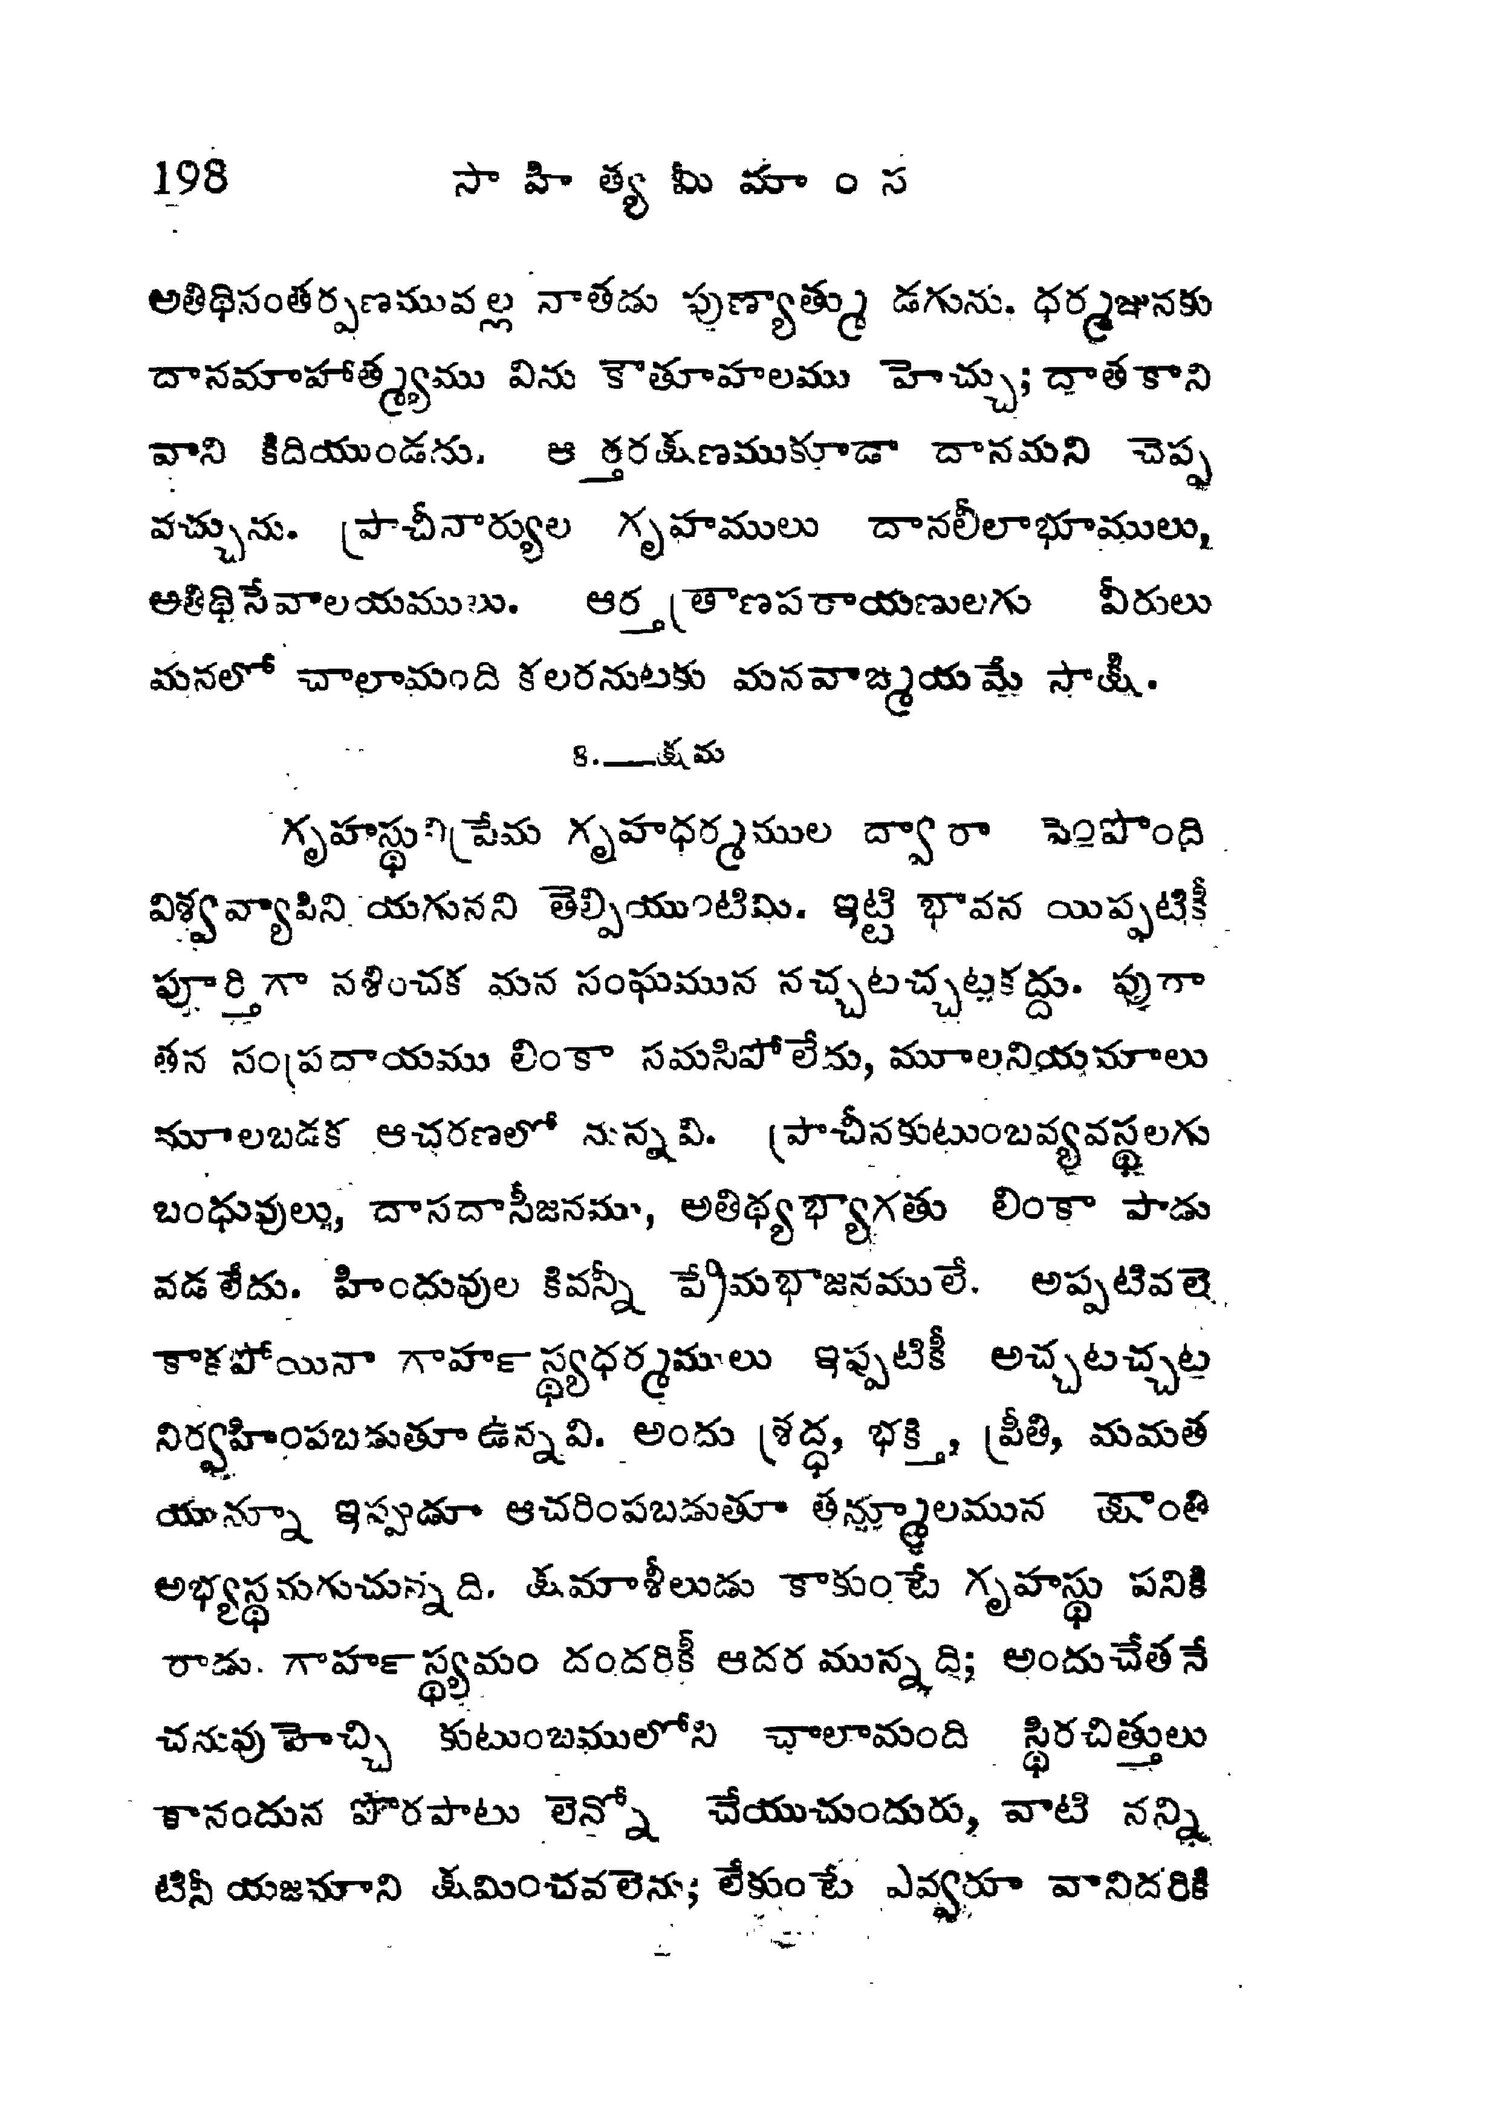అతిథిసంతర్పణమువల్ల నాతడు పుణ్యాత్ము డగును. ధర్మజునకు దానమాహాత్మ్యము విను కౌతూహలము హెచ్చు; దాతకాని వాని కిదియుండదు. ఆర్తరక్షణముకూడా దానమని చెప్పవచ్చును. ప్రాచీనార్యుల గృహములు దానలీలాభూములు, అతిథిసేవాలయములు. ఆర్తత్రాణపరాయణులగు వీరులు మనలో చాలామంది కలరనుటకు మనవాఙ్మయమే సాక్షి.

గృహస్థునిప్రేమ గృహధర్మముల ద్వారా పెంపొంది విశ్వవ్యాపిని యగునని తెల్పియుంటిమి. ఇట్టి భావన యిప్పటికీ పూర్తిగా నశించక మన సంఘమున నచ్చటచ్చటకద్దు. పురాతన సంప్రదాయము లింకా సమసిపోలేదు, మూలనియమాలు మూలబడక ఆచరణలో నున్నవి. ప్రాచీనకుటుంబవ్యవస్థలగు బంధువులు, దాసదాసీజనము, అతిథ్యభ్యాగతు లింకా పాడువడలేదు. హిందువుల కివన్నీ ప్రేమభాజనములే అప్పటివలె కాకపోయినా గాహన్‌స్థ్యధర్మములు ఇప్పటికీ అచ్చటచ్చట నిర్వహింపబడుతూ ఉన్నవి. అందు శ్రద్ధ, భక్తి, ప్రీతి, మమతయున్నూ ఇప్పుడూ ఆచరింపబడుతూ తన్మూలమున క్షాంతి అభ్యస్థమగుచున్నది. క్షమాశీలుడు కాకుంటే గృహస్థు పనికిరాడు. గాహన్‌స్థ్యమం దందరికీ ఆదర మున్నది; అందుచేతనే చనువుహెచ్చి కుటుంబములోని చాలామంది స్థిరచిత్తులు కానందున పొరపాటు లెన్నో చేయుచుందురు, వాటి నన్నిటినీ యజమాని క్షమించవలెను; లేకుంటే ఎవ్వరూ వానిదరికి